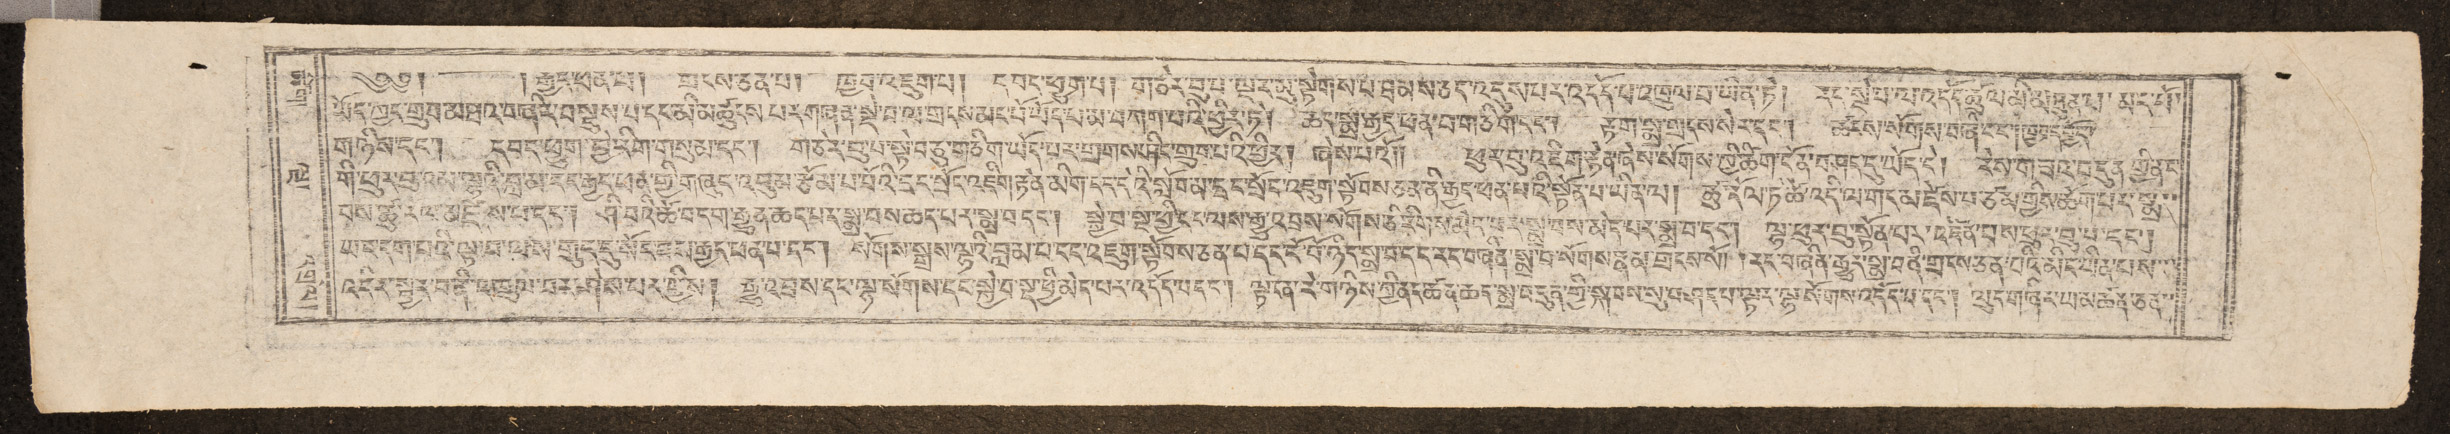༄༅། །རྒྱད་ཕན་པ། གྲངས་ཅན་པ། ཁྱབ་འཇུག་པ། དབང་ཕྱུག་པ། གཅེར་བུ་པ་ལྔར་མུ་སྟེགས་པ་ཐམས་ཅད་འདུས་པར་འདོད་པ་འཁྲུལ་བ་ཡིན་ཏེ། རང་སྡེ་བ་ལ་འདོད་ཚུལ་མི་མཐུན་པ་མང་པོ་
ཡོད་ཀྱང་གྲུབ་མཐའ་བཞིར་བསྡུས་པ་དང་མི་མཚུངས་པར་གཞན་སྡེ་བ་ལ་གྲངས་མང་པོ་ཡོད་པ་མ་བཀག་པའི་ཕྱིར་ཏེ། ཆད་སྨྲ་རྒྱད་ཕན་བ་གཅིག་དང་། རྟག་སྨྲ་གྲངས་སེར་དང་། ཚངས་སོགས་བཞི་དང་། ཁྱབ་དཔྱོད་
གཉིས་དང་། དབང་ཕྱུག་བྱེ་རིག་གསུམ་དང་། གཅེར་བུ་པ་སྟེ་བཅུ་གཅིག་ཡོད་པར་གྲགས་ཤིང་གྲུབ་པའི་ཕྱིར། ཞེས་པའོ།། ཕུར་བུ་འཇིག་རྟེན་ཞེས་སོགས་ཀྱི་ཚིག་ངོན་བཤད་དུ་ཡོད་དེ། རེས་གཟའ་བདུན་གྱི་ནང་
གི་ཕུར་བུ་འམ་ལྷའི་བླ་མ་དང་རྒྱད་ཕན་གྱི་གཞུང་འབུམ་རྩོམ་པ་པོའི་དྲང་སྲོང་འཇིག་རྟེན་མིག་དང་དེའི་སློབ་མ་དྲང་སྲོང་འཇུག་སྟོབས་ཅན་ནི་རྒྱང་ཕན་པའི་སྟོན་པ་ཡིན་ལ། ཚུ་རོལ་ཏེ་ཚེ་འདི་ལ་གང་མཛེས་པ་ཙམ་གྱིས་ཆོག་པར་སྨྲ་
བས་ཚུ་རོལ་མཛེས་པ་དང་། ཤི་བའི་ཚེ་བདག་རྒྱུན་ཆད་པར་སྨྲ་བས་ཆད་པར་སྨྲ་བ་དང་། སྐྱེ་བ་སྔ་ཕྱི་དང་ལས་རྒྱུ་འབྲས་སོགས་ཅི་རིགས་མེད་པར་སྨྲ་བས་མེད་པར་སྨྲ་བ་དང་། ལྷ་ཕུར་བུ་སྟོན་པར་འཛིན་པས་ཕུར་བུ་པ་དང་།
ཡང་དག་པའི་ལྟ་བ་ལས་གུད་དུ་སོང་བས་རྒྱད་ཕན་པ་དང་། སོགས་སྒྲས་ལྷའི་བླ་མ་པ་དང་འཇུག་སྟོབས་ཅན་པ་དང་ངོ་བོ་ཉིད་སྨྲ་བ་དང་རང་བཞིན་སྨྲ་བ་སོགས་རྣམ་གྲངས་སོ། །རང་བཞིན་རྒྱུར་སྨྲ་བ་ནི་གྲངས་ཅན་པའི་མིང་ཡིན་པས་
འདིར་སྦྱར་བ་ནི་འཁྲུལ་བར་ཤེས་པར་གྱིས། རྒྱུ་འབྲས་དང་ལྷ་སོགས་དང་སྐྱེ་བ་སྔ་ཕྱི་མེད་པར་འདོད་པ་དང་། ལྟ་ངན་རེ་གཉིས་ཀྱི་ནང་ཚན་ཆང་སྨྲ་བདུན་གྱི་སྐབས་སུ་བཤད་པ་ལྟར་ལྷ་སོགས་འདོད་པ་དང་། ལུང་གཞིར་ཡ་མཚན་ཅན་